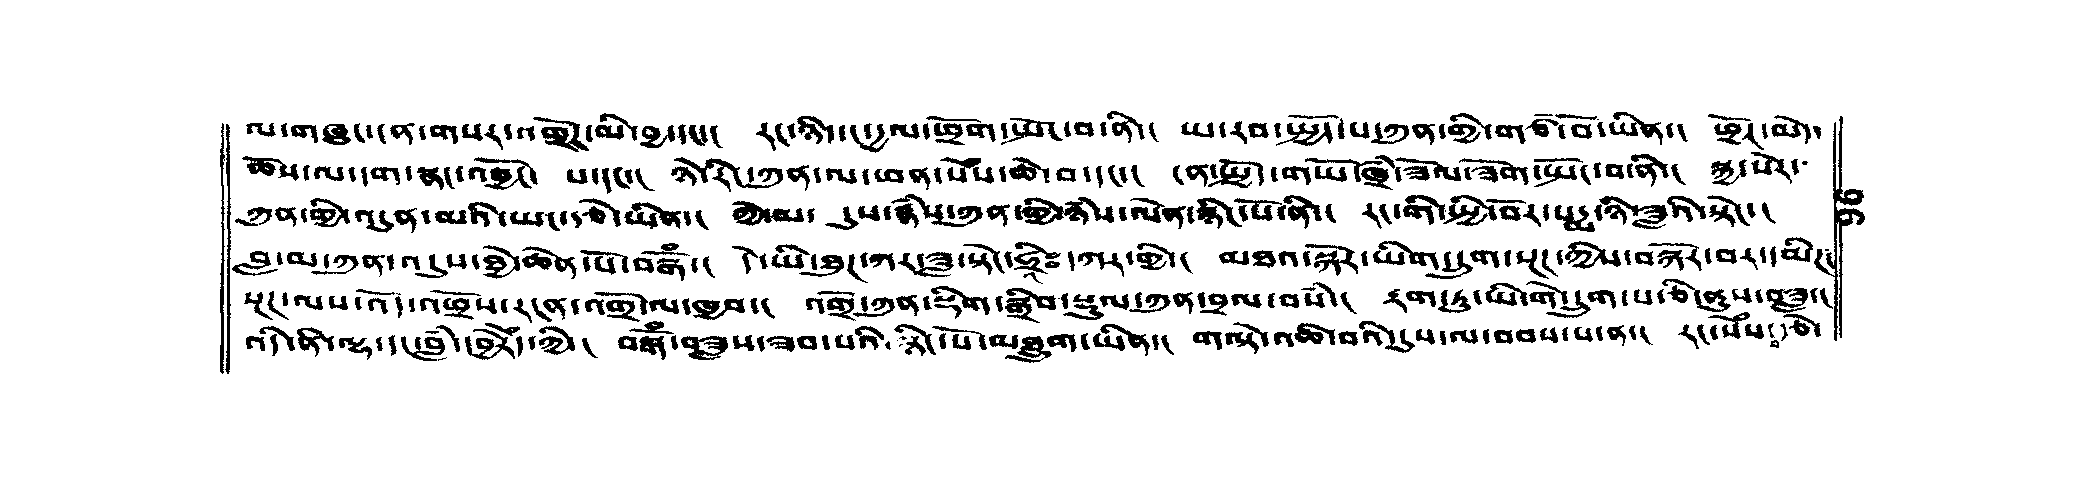ལ་གཞུང་ངན་གསར་འགྲོགས་མི་བྱ་དང་། །རང་ཉིད་ང་རྒྱལ་ཕྲག་དོག་སྤོང་བ་ནི། །ཡ་རབས་སྤྱོད་པ་ཀུན་ཀྱི་གཙོ་བོ་ཡིན། །ཕྱོགས་མེད་
ཆོས་ལ་དག་སྣང་་སྦྱོང་བ་དང་། །ཉེ་རིང་ཀུན་ལ་ཕན་སེམས་ཆེ་བ་དང་། །ངན་སྤྱོད་གཡོ་ཁྲམ་ཟོལ་ཟོག་སྤོང་བ་ནི། །སྐྱ་སེར་
ཀུན་གྱི་འདུན་མའི་ཡང་རྩེ་ཡིན། ཀྱེ་མ། དུས་རྣམས་ཀུན་ཀྱི་ཉམས་ལེན་སྙིང་པོ་ནི། །རང་གི་སྤྱི་བོར་པདྨ་ཉི་ཟླ་སྟེང་། །
བླ་མ་ཀུན་འདུས་ཐུགས་རྗེ་ཆེན་པོ་བསྒོམ། །དེ་ཡི་ཐུགས་ཀར་ཟླ་སྟེང་ཧྲཱི་དཀར་གྱི། །མཐའ་སྐོར་ཡིག་དྲུག་སྔགས་ཀྱི་བསྐོར་བར་དམིགས། །
སྔགས་ལས་འོད་འཕྲོས་རང་གཞན་འགྲོ་ལ་ཁྱབ། །འགྲོ་ཀུན་སྡིག་སྒྲིབ་སྡུག་བསྔལ་ཀུན་བྲལ་བསམ། །རྟག་ཏུ་ཡི་གེ་དྲུག་པ་ཅི་ནུས་བཟླ། །
འདི་ནི་ལྷ་དང་བླ་མ་དབྱེར་མེད་ཀྱི། །བསྒོམ་བཟླས་ཟབ་པའི་སྙིང་པོ་མཐར་ཐུག་ཡིན། །གལ་ཏེ་འཆི་བའི་དུས་ལ་བབས་པ་ན། །རང་སེམས་རྩེ་